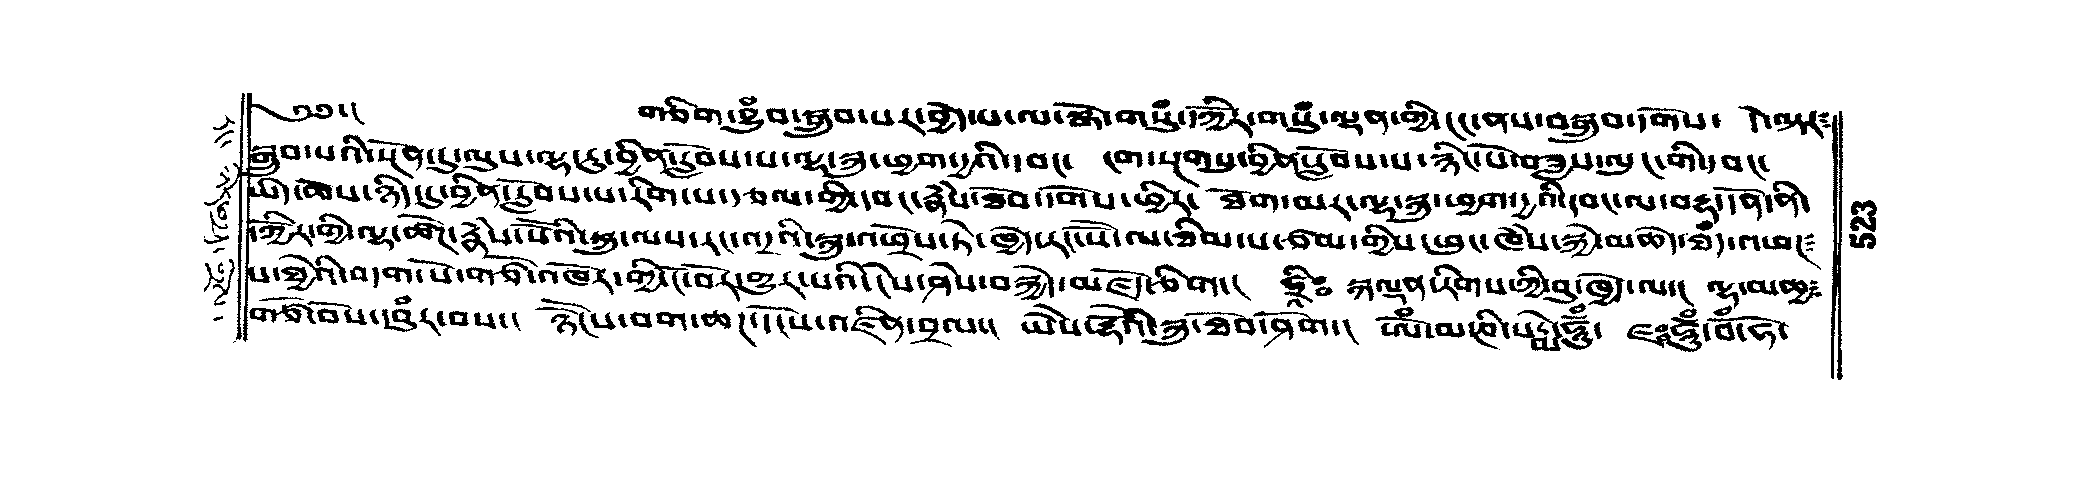གཅིག་བྱང་ཆུབ་སྒྲུབ་པར་བྱེད་པ་ལ་སྒོ་གསུམ་དཀྱིལ་འཁོར་སུམ་ལྡན་གྱི་ངང་ནས་བསྒྲུབ་དགོས།དེ་ལྟར་
སྒྲུབ་པའི་སྔོན་དུ་ལུས་ལྷ་རུ་བྱིན་གྱིས་རློབ་པ་ལྷ་སྐུ་ཕྱག་རྒྱའི་དབང་། ངག་སྔགས་སུ་བྱིན་གྱིས་རློབས་པ་སྙིང་པོ་བཟླས་ལུང་གི་དབང་། 
ཡིད་ཆོས་ཉིད་དུ་བྱིན་གྱིས་རླབས་པ་རིག་པ་རྩལ་གྱི་དབང་རྣམས་ཐོབ་དགོས་ཕྱིར། ཐོག་མར་ལྷ་སྐུ་ཕྱག་རྒྱའི་དབང་ལ་བརྡ་དོན་ནི་
དཀྱིལ་འཁོར་གྱི་ལྷ་ཚོགས་རྣམས་སོ་སོའི་སྐུ་ལས་རང་འདྲའི་སྐུ་འཕྲོས་ཏེ། ཁྱོད་རང་སོ་སོ་ལ་ཐིམ་པ་ཙམ་གྱིས་ཕུང་ཁམས་སྐྱེ་མཆེད་ཐམས་ཅད་འཕགས་
པ་ཐུགས་རྗེའི་བདག་པོ་གཙོ་འཁོར་གྱི་ངོ་བོར་གྱུར་པའི་ངེས་ཤེས་བསྐྱེད་མཛོད་ཅིག ཧྲཱིཿ སྐལ་ལྡན་རིགས་ཀྱི་བུ་ཁྱོད་ལ། །ལྷ་མཆོག་
གཙོ་བོས་དབང་བསྐུར་བས། །ཉོན་མོངས་བག་ཆགས་དངོས་འཛིན་བྲལ། །ཡེ་ཤེས་རྡོ་རྗེའི་སྐུ་ཐོབ་ཤོག ཨོཾ་མ་ཎི་པདྨེ་ཧཱུྃ། ཛཿཧཱུྃ་བཾ་ཧོ།